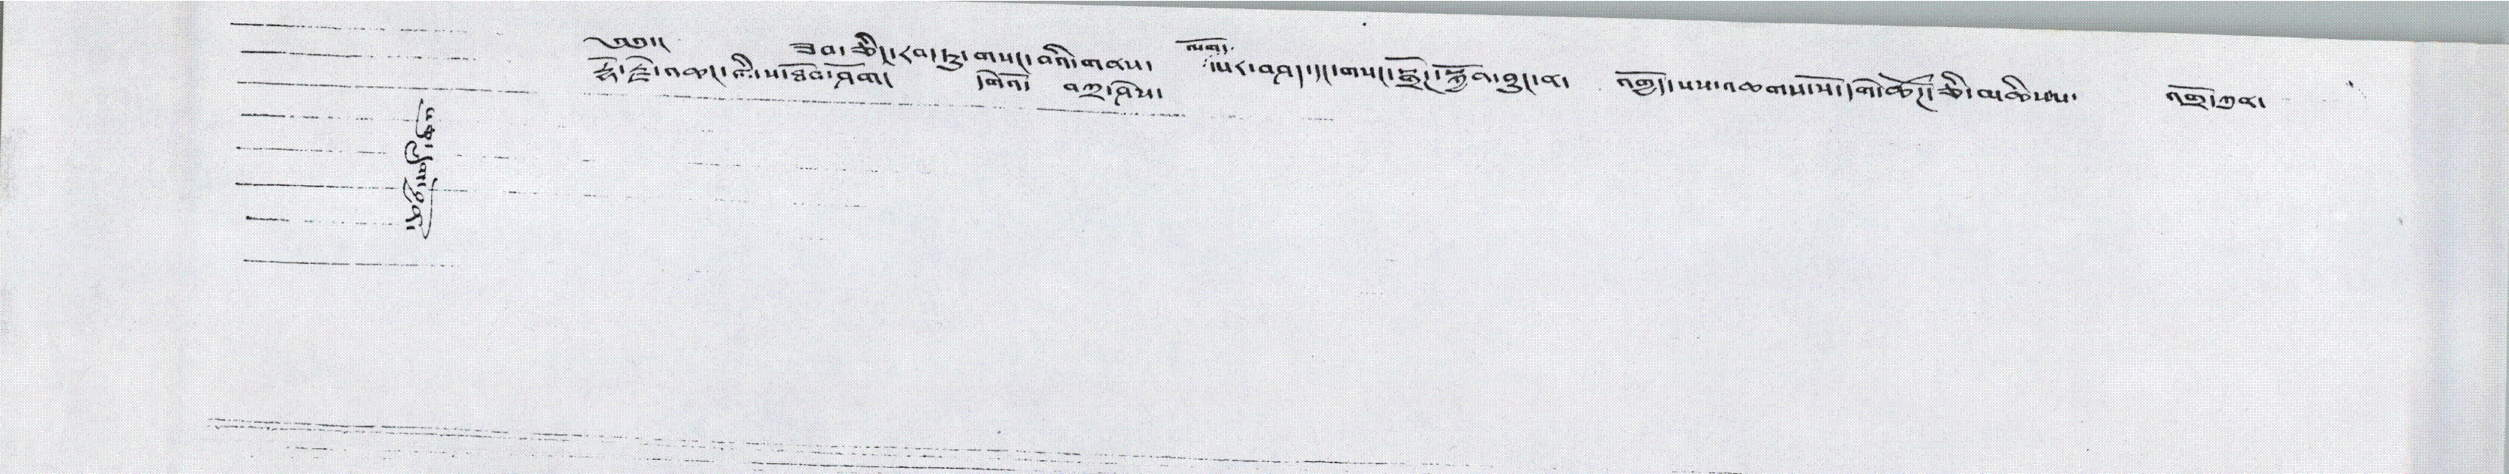ཟབ་ཅིང་རབ་ཏུ་གསང་བའི་གནས། །ལོག་པར་བཤད་དང་གསང་སྒྲོག་སྐྱོན་བྱུང་ན། །འགྱོད་པས་འཆགས་སོ་དགེ་ཚོགས་ཅི་མཆིས་པ། །འགྲོ་ཀུན་
རྡོ་རྗེ་འཆང་གི་ས་ཐོབ་ཤོག། །།དགེའོ། བཀྲ་ཤིས། །